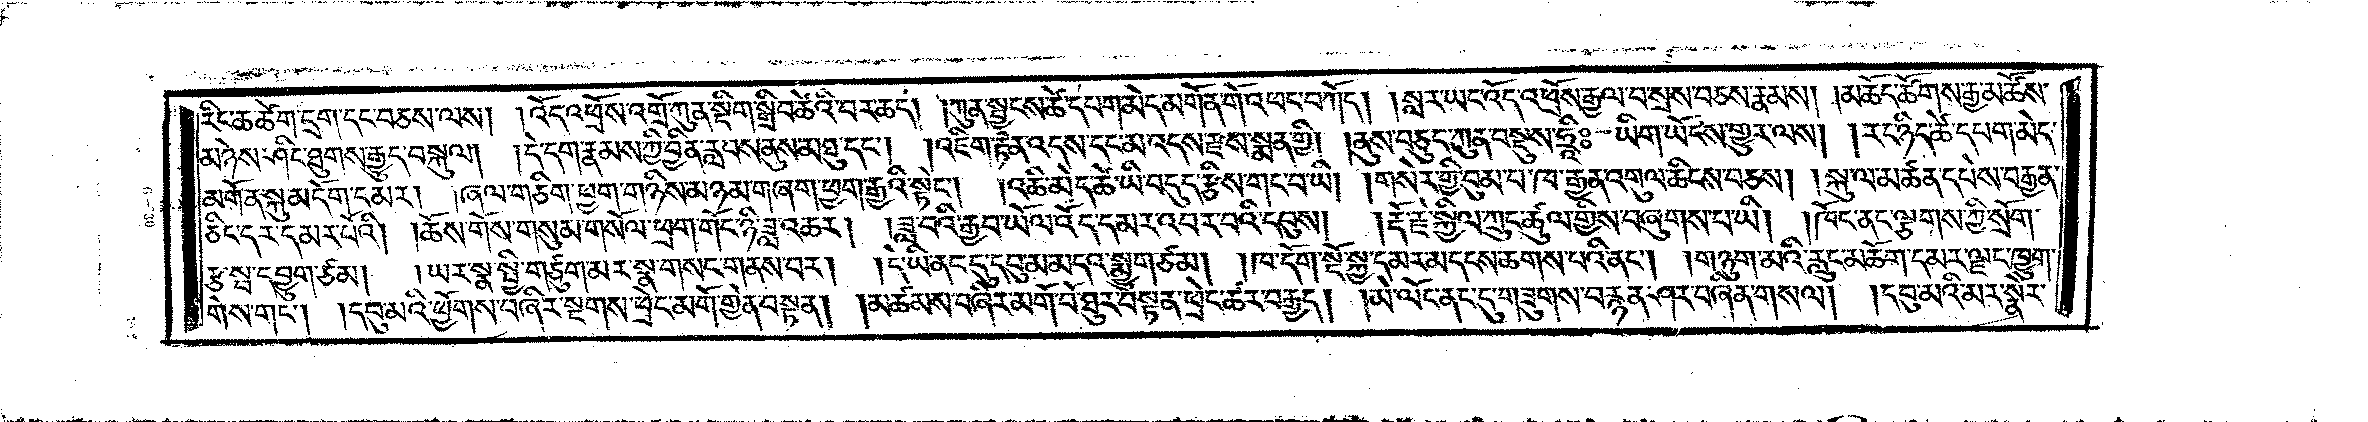རིང་ཆ་ཚེག་དྲག་དང་བཅས་ལས། །འོད་འཕྲོས་འགྲོ་ཀུན་སྡིག་སྒྲིབ་ཚེའི་བར་ཆད། །ཀུན་སྦྱངས་ཚེ་དཔག་མེད་མགོན་གོ་འཕང་བཀོད། །སླར་ཡང་འོད་འཕྲོས་རྒྱལ་བ་སྲས་བཅས་རྣམས། །མཆོད་ཚོགས་རྒྱ་མཚོས་
མཉེས་ཤིང་ཐུགས་རྒྱུད་བསྐུལ། །དེ་དག་རྣམས་ཀྱི་བྱིན་རླབས་ནུས་མཐུ་དང་། །འཇིག་རྟེན་འདས་དང་མ་འདས་རྫས་སྨན་གྱི། །ནུས་བཅུད་ཀུན་བསྡུས་ཧྲཱིཿ ཡིག་ཡོངས་གྱུར་ལས། །རང་ཉིད་ཚེ་དཔག་མེད་
མགོན་སྐུ་མདོག་དམར། །ཞལ་གཅིག་ཕྱག་གཉིས་མཉམ་གཞག་ཕྱག་རྒྱའི་སྟེང་། །འཆི་མེད་ཚེ་ཡི་བདུད་རྩིས་གང་བ་ཡི། །གསེར་གྱི་བུམ་པ་ཁ་རྒྱན་འགུལ་ཆིངས་བཅས། །སྐུ་ལ་མཚན་དཔེས་བརྒྱན་
ཅིང་དར་དམར་པོའི། །ཆོས་གོས་གསུམ་གསོལ་ཕྲག་གོང་ཉི་ཟླ་འཆར། །ཟླ་བའི་རྒྱབ་ཡོལ་འོད་དམར་འབར་བའི་དབུས། །རྡོ་རྗེ་སྐྱིལ་ཀྲུང་ཚུལ་གྱིས་བཞུགས་པ་ཡི། །ཁོང་ནང་ལྕགས་ཀྱི་སྲོག་
རྩ་སྦ་དབྱུག་ཙམ། །ཡར་སྣ་སྤྱི་གཙུག་མར་སྣ་གསང་གནས་བར། །དེ་ཡི་ནང་དུ་དབུ་མ་མདའ་སྨྱུག་ཙམ། །ཁ་དོག་སྔོ་སྐྱ་དམར་མདངས་ཆགས་པའི་ནང་། །གཉུག་མའི་རླུང་མཆོག་དམར་ལྗང་ཁྱུག་
གེས་གང་། །དབུ་མའི་ཕྱོགས་བཞིར་སྔགས་ཕྲེང་མགོ་གྱེན་བསྟན། །མཚམས་བཞིར་མགོ་བོ་ཐུར་བསྟན་ཕྲེང་ཚར་བརྒྱད། །མེ་ལོང་ནང་དུ་གཟུགས་བརྙན་ཤར་བཞིན་གསལ། །དབུ་མའི་མར་སྣེར་